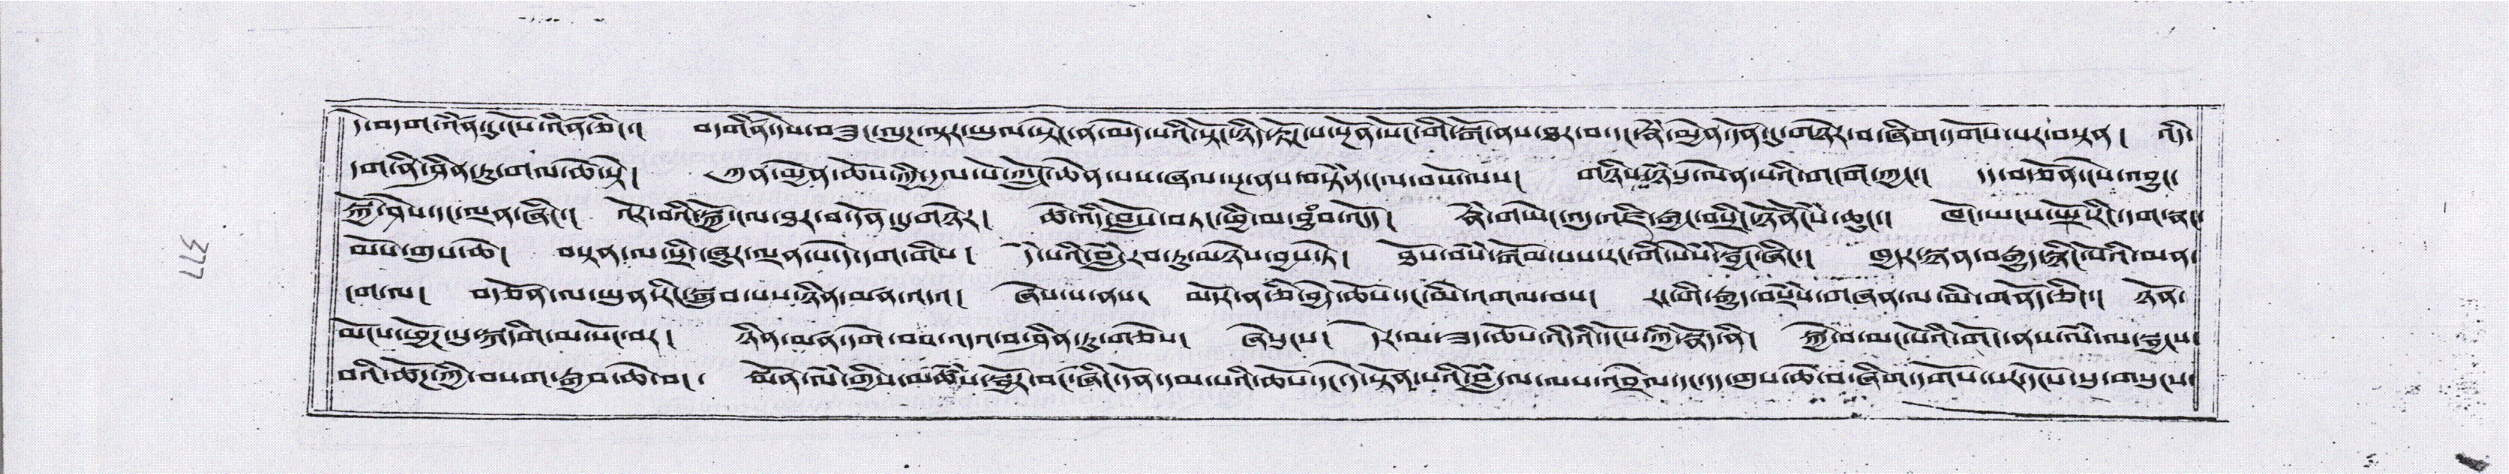དེ་བདག་འཛིན་དུ་ངོས་འཛིན་ཅིང། བདག་འཛིན་དེས་བཟུང་ལུགས་ལྟར་ཡུལ་སྟེང་ན་མེད་པའི་སྟོང་ཉིད་རྟོགས་པ་སྔོན་སོང་གི་སྒོ་ནས་ཐར་པ་དང་རྣམ་མཁྱེན་དོན་དུ་གཉེར་བ་ཞིག་དགོས་པར་བསྟན། འདི་
དག་ནི་ཤིན་ཏུ་གལ་ཆེ་སྟེ། ཀུན་མཁྱེན་ཆོས་ཀྱི་རྒྱལ་པོ་ཀློང་ཆེན་པས་ཞལ་སྔ་ནས་བསྟན་ངལ་བསོ་ལས། གཉིས་ལ་ཉམས་སུ་ལེན་པའི་གདམས་ངག་ཀྱང། དད་བརྩོན་ངེས་འབྱུང་
སྐྱོ་ཤེས་དང་ལྡན་ཞིང། འཁོར་བའི་སྐྱོ་ངལ་ཐར་བ་དོན་དུ་གཉེར། ཚེ་འདི་བློས་བཏང་ཕྱི་མ་བྱང་ཆུབ་འདོད། རྣམ་གཡེང་འདུ་འཛི་རྒྱང་བསྲིང་ཉོན་མོངས་ཆུང། ཁོང་ཡངས་སྤྲོ་རིང་དག་སྣང་
མོས་གུས་ཆེ། བསྟན་ལ་སྲིད་ཞུར་ལྡན་པ་དེ་དག་གིས། དམ་པའི་བླ་མ་རབ་ཏུ་མཉེས་བྱས་ཏེ། ཐོས་བསམ་སྒོམ་པས་རང་གི་སེམས་སྦྱོང་ཞིང། ཁྱད་པར་སྙན་བརྒྱུད་སྙིང་པོའི་མན་
ངག་ལ། བརྩོན་ལ་ཡུན་རིང་སྒྲུབ་པས་ཉིན་མཚན་འདའ། ཞེས་པ་ནས། མདོར་ན་ཅི་བྱེད་ཆོས་དང་མི་འགལ་བས། རང་གི་རྒྱུད་བསྡམས་གཞན་ལ་མི་གནོད་ཅིང། ཉོན་
མོངས་ཕྱོགས་སུ་སྐད་ཅིག་མ་སོང་བར། ཉིན་མཚན་དགེ་བས་འདའ་བ་ཤིན་ཏུ་གཅེས། ཞེས་གསུངས་སོ། དེར་མ་ཟད་ཆོས་འདིའི་དངོས་ཀྱི་སྣོད་ནི། སྐྱེ་བ་མང་པོའི་གོང་ནས་ལམ་ལ་སྦྱངས་
བའི་ཚོགས་ཀྱི་བསག་རྒྱབ་ཆེ་བ། སྨོན་ལམ་གྱིས་མཚམས་སྦྱོར་བང་ཞིང་དོནད་མ་པའི་ཆོས་དང་དེ་སྟོན་པའི་བླ་མ་ལས་འབྲེལ་དང་དད་གུས་ཆེ་བ་ཞིག་དགོས་པར་དངོས་སུ་གསུངས་